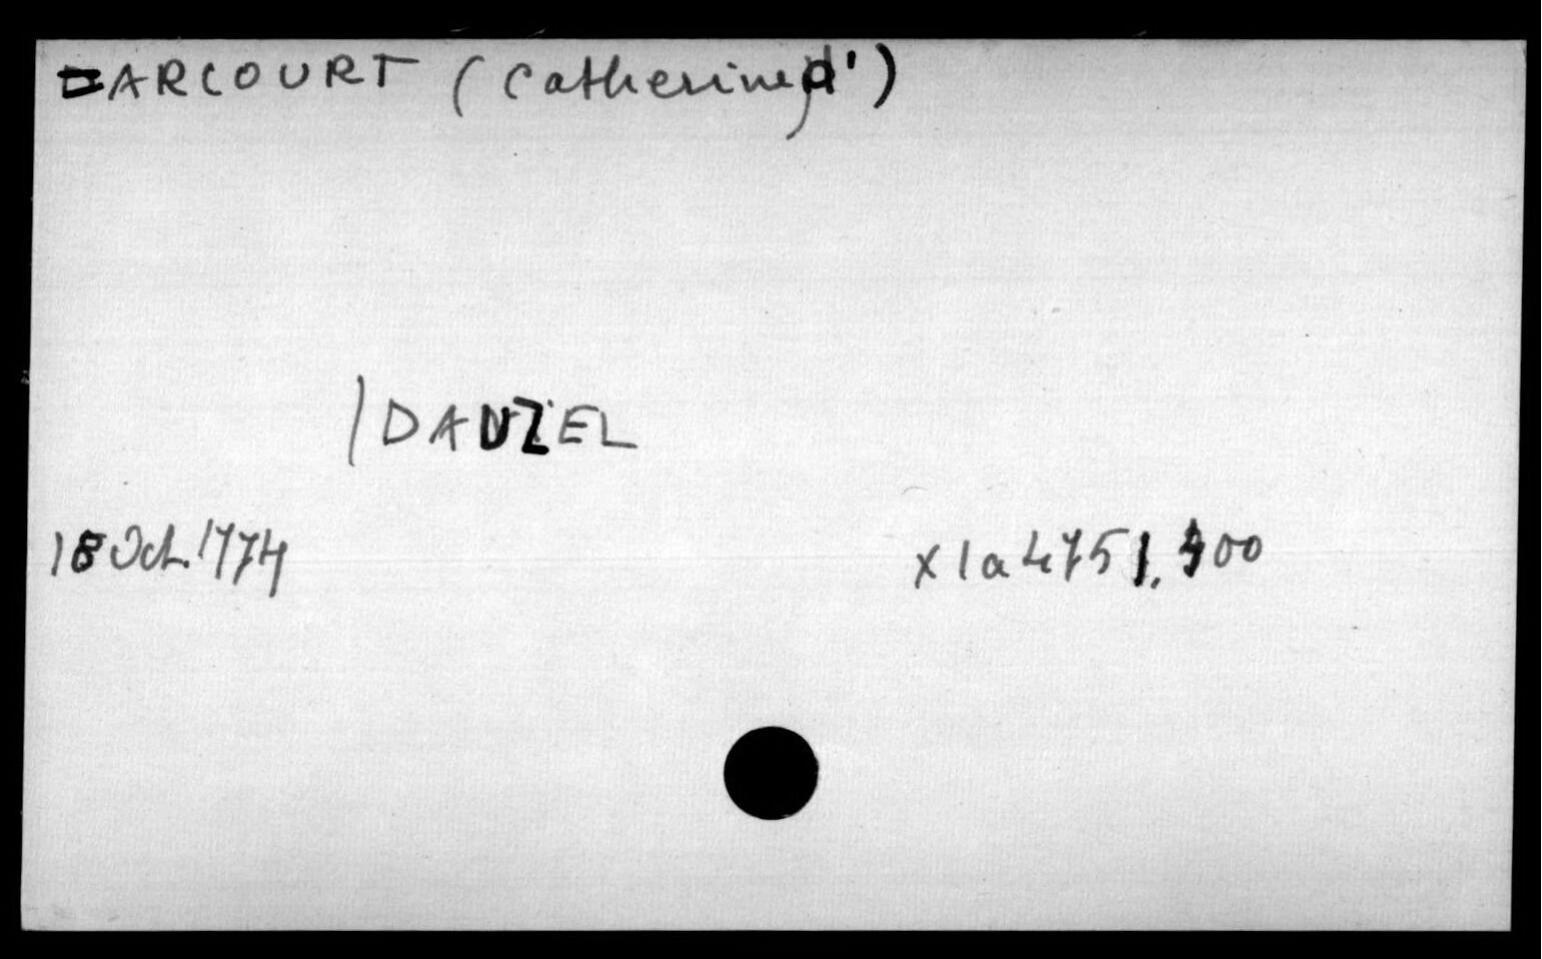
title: ARCOURT (Catherine d')
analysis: Contre DAVIEL
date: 18 octobre 1774
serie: X1a
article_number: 4751
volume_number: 400
